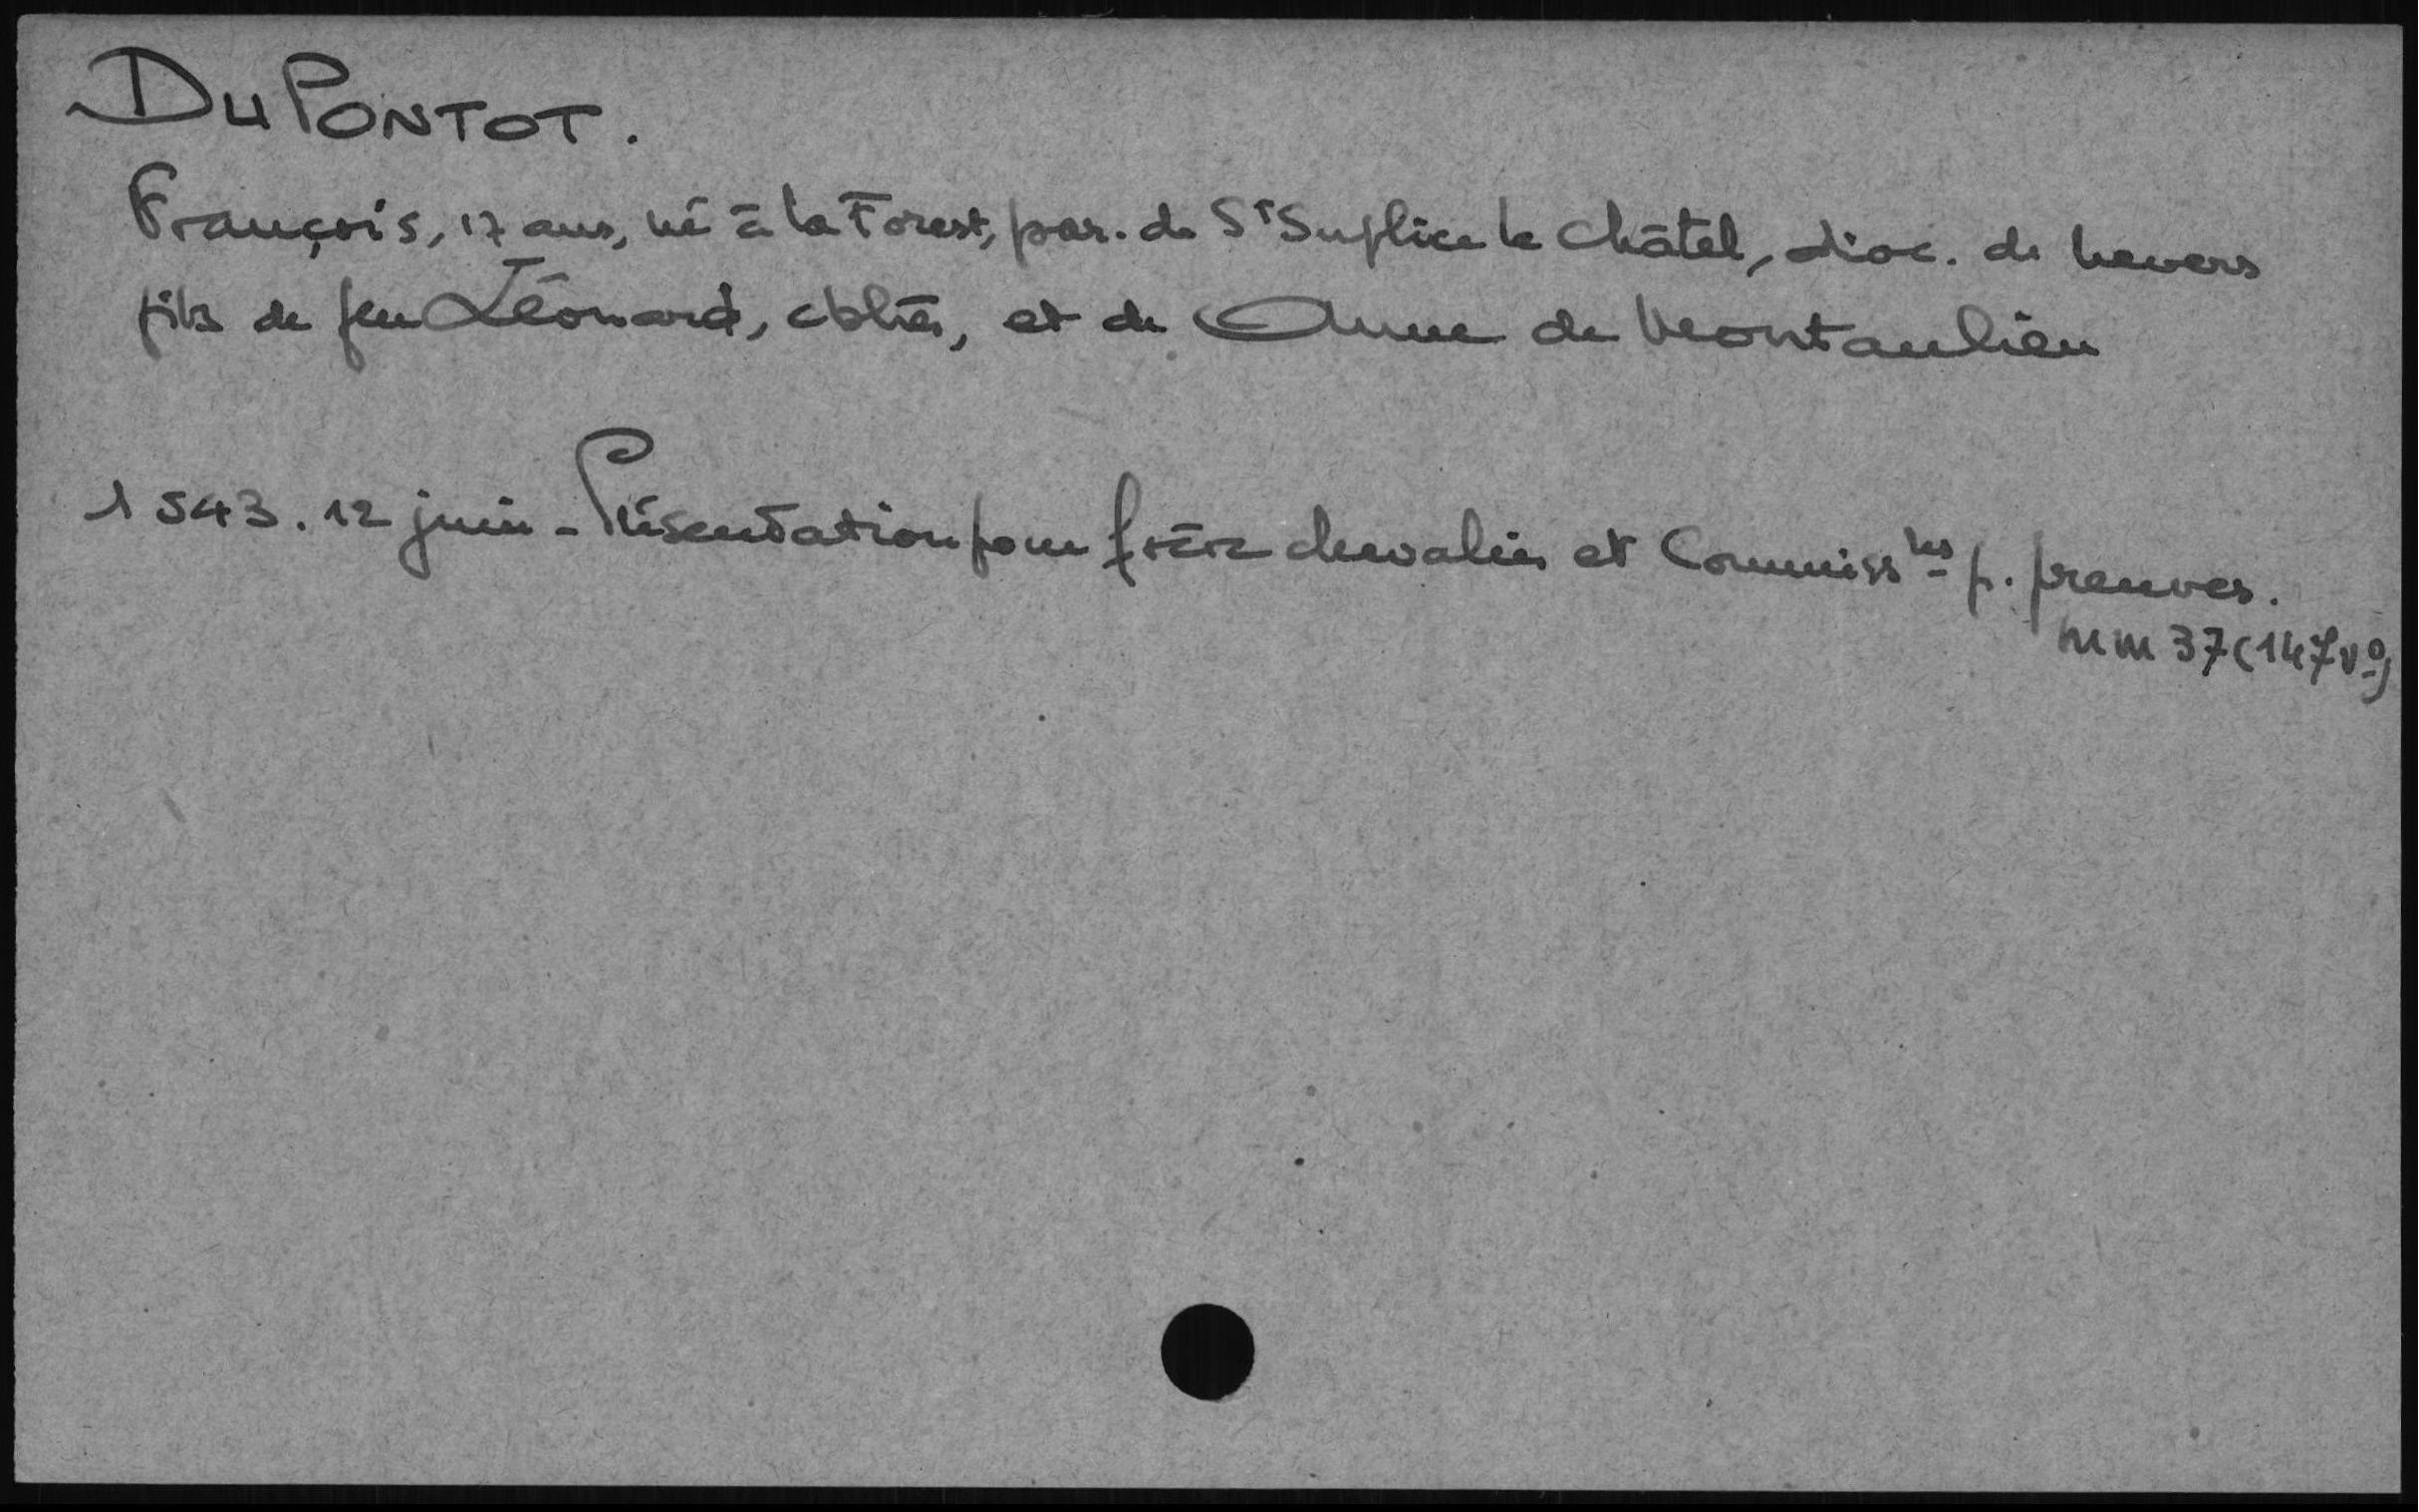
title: DU PONTOT, François, 17 ans, né à la Forest, paroisse de Saint-Sulpice-le-Châtel, diocèse de Nevers, fils de feu Léonard, chevalier, et de Anne de Montaulieu.
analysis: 1543, 12 juin. Présentation pour frère chevalier et commissaires pour preuves. MM 37 (147v)
